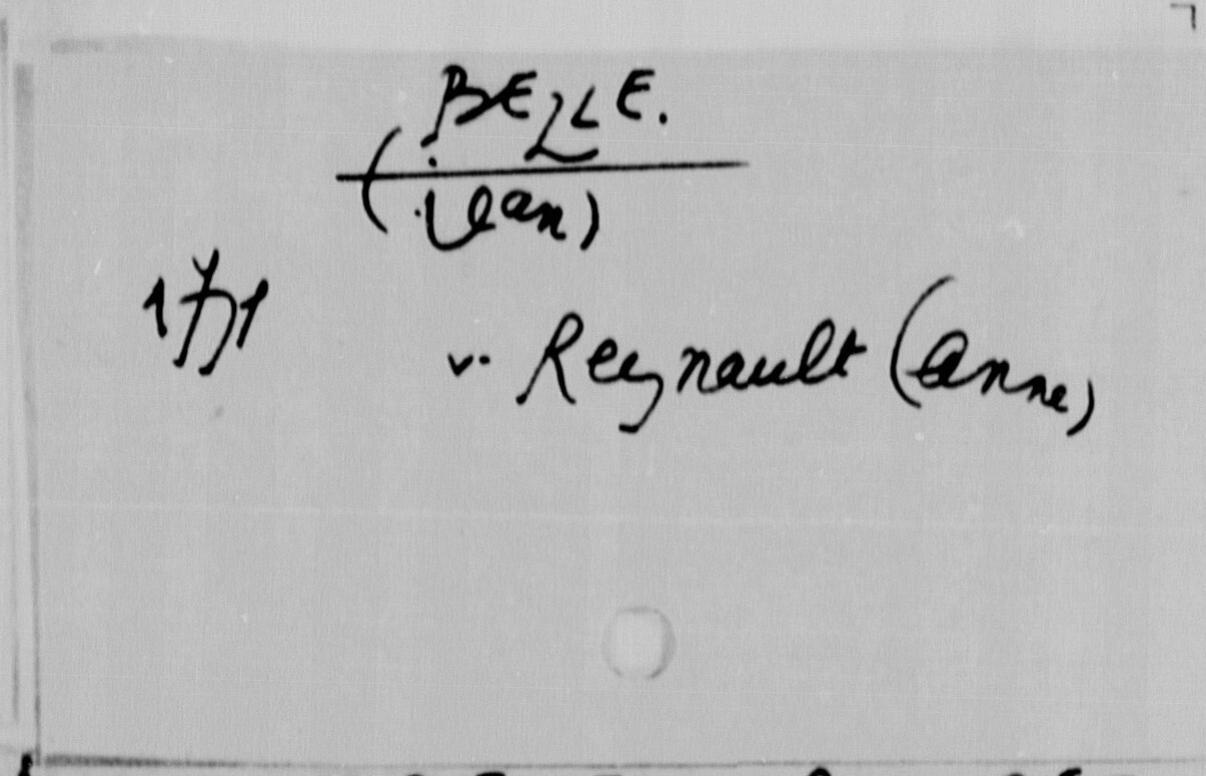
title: BELLE (Jean)
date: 1711
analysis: Voir REYNAULT (Anne)
